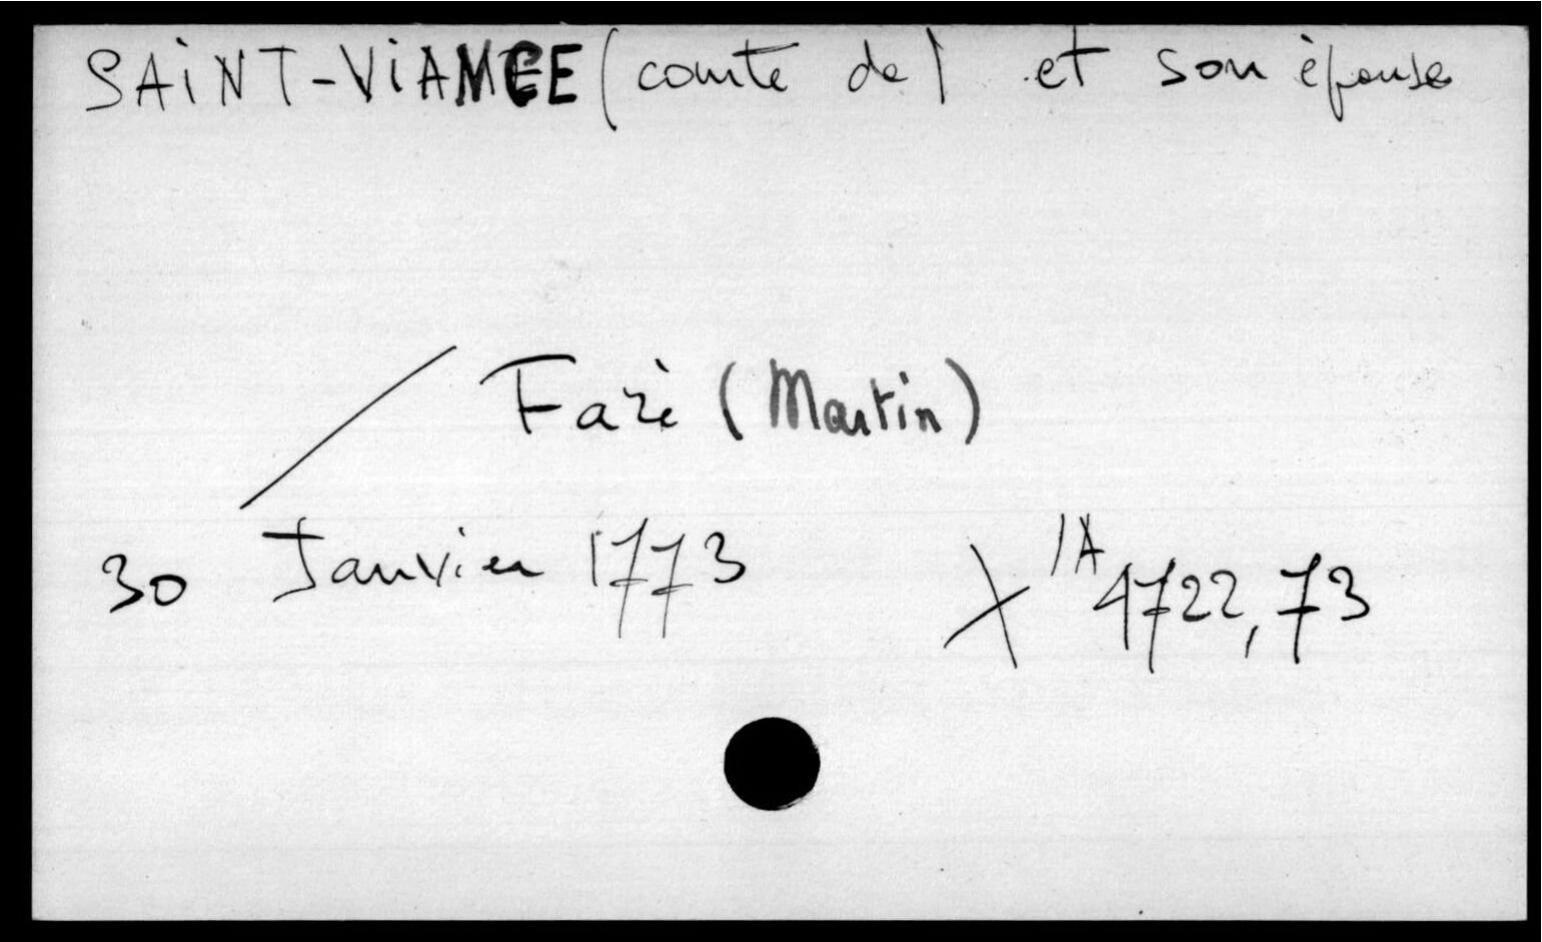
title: SAINT-VIANCE (comte de) et son épouse
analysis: Contre Faré (Martin)
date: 30 janvier 1773
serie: X1A
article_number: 4722
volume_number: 73
